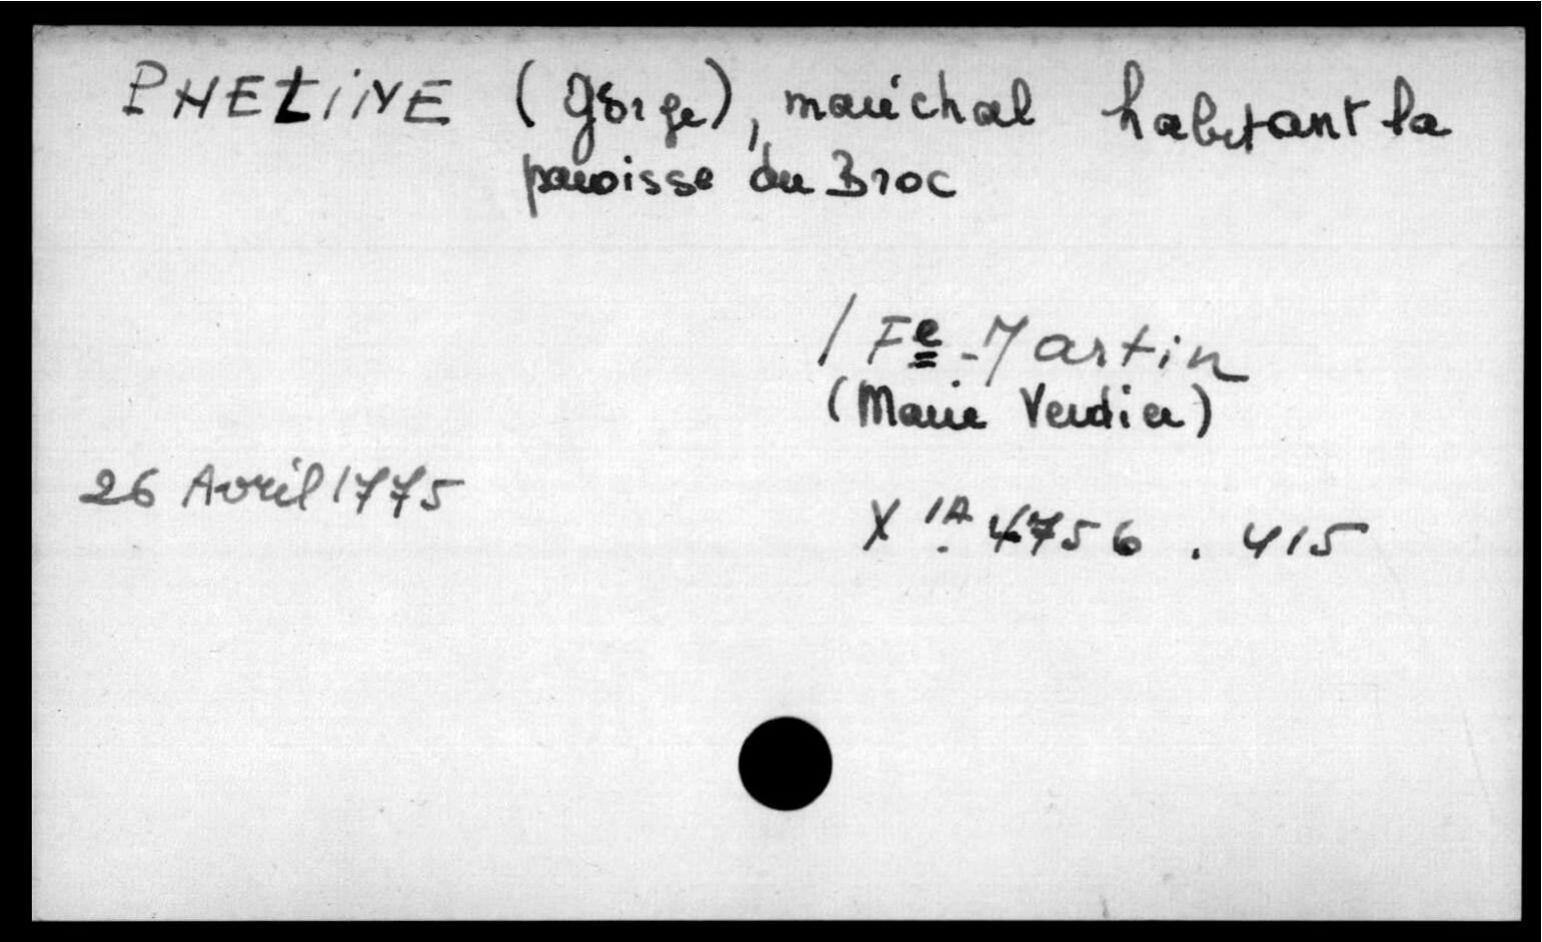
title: PHELINE (George), maréchal habitant la paroisse du Broc
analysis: Contre Femme Martin (Marie Verdier)
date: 26 avril 1775
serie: X1A
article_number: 4756
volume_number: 415
